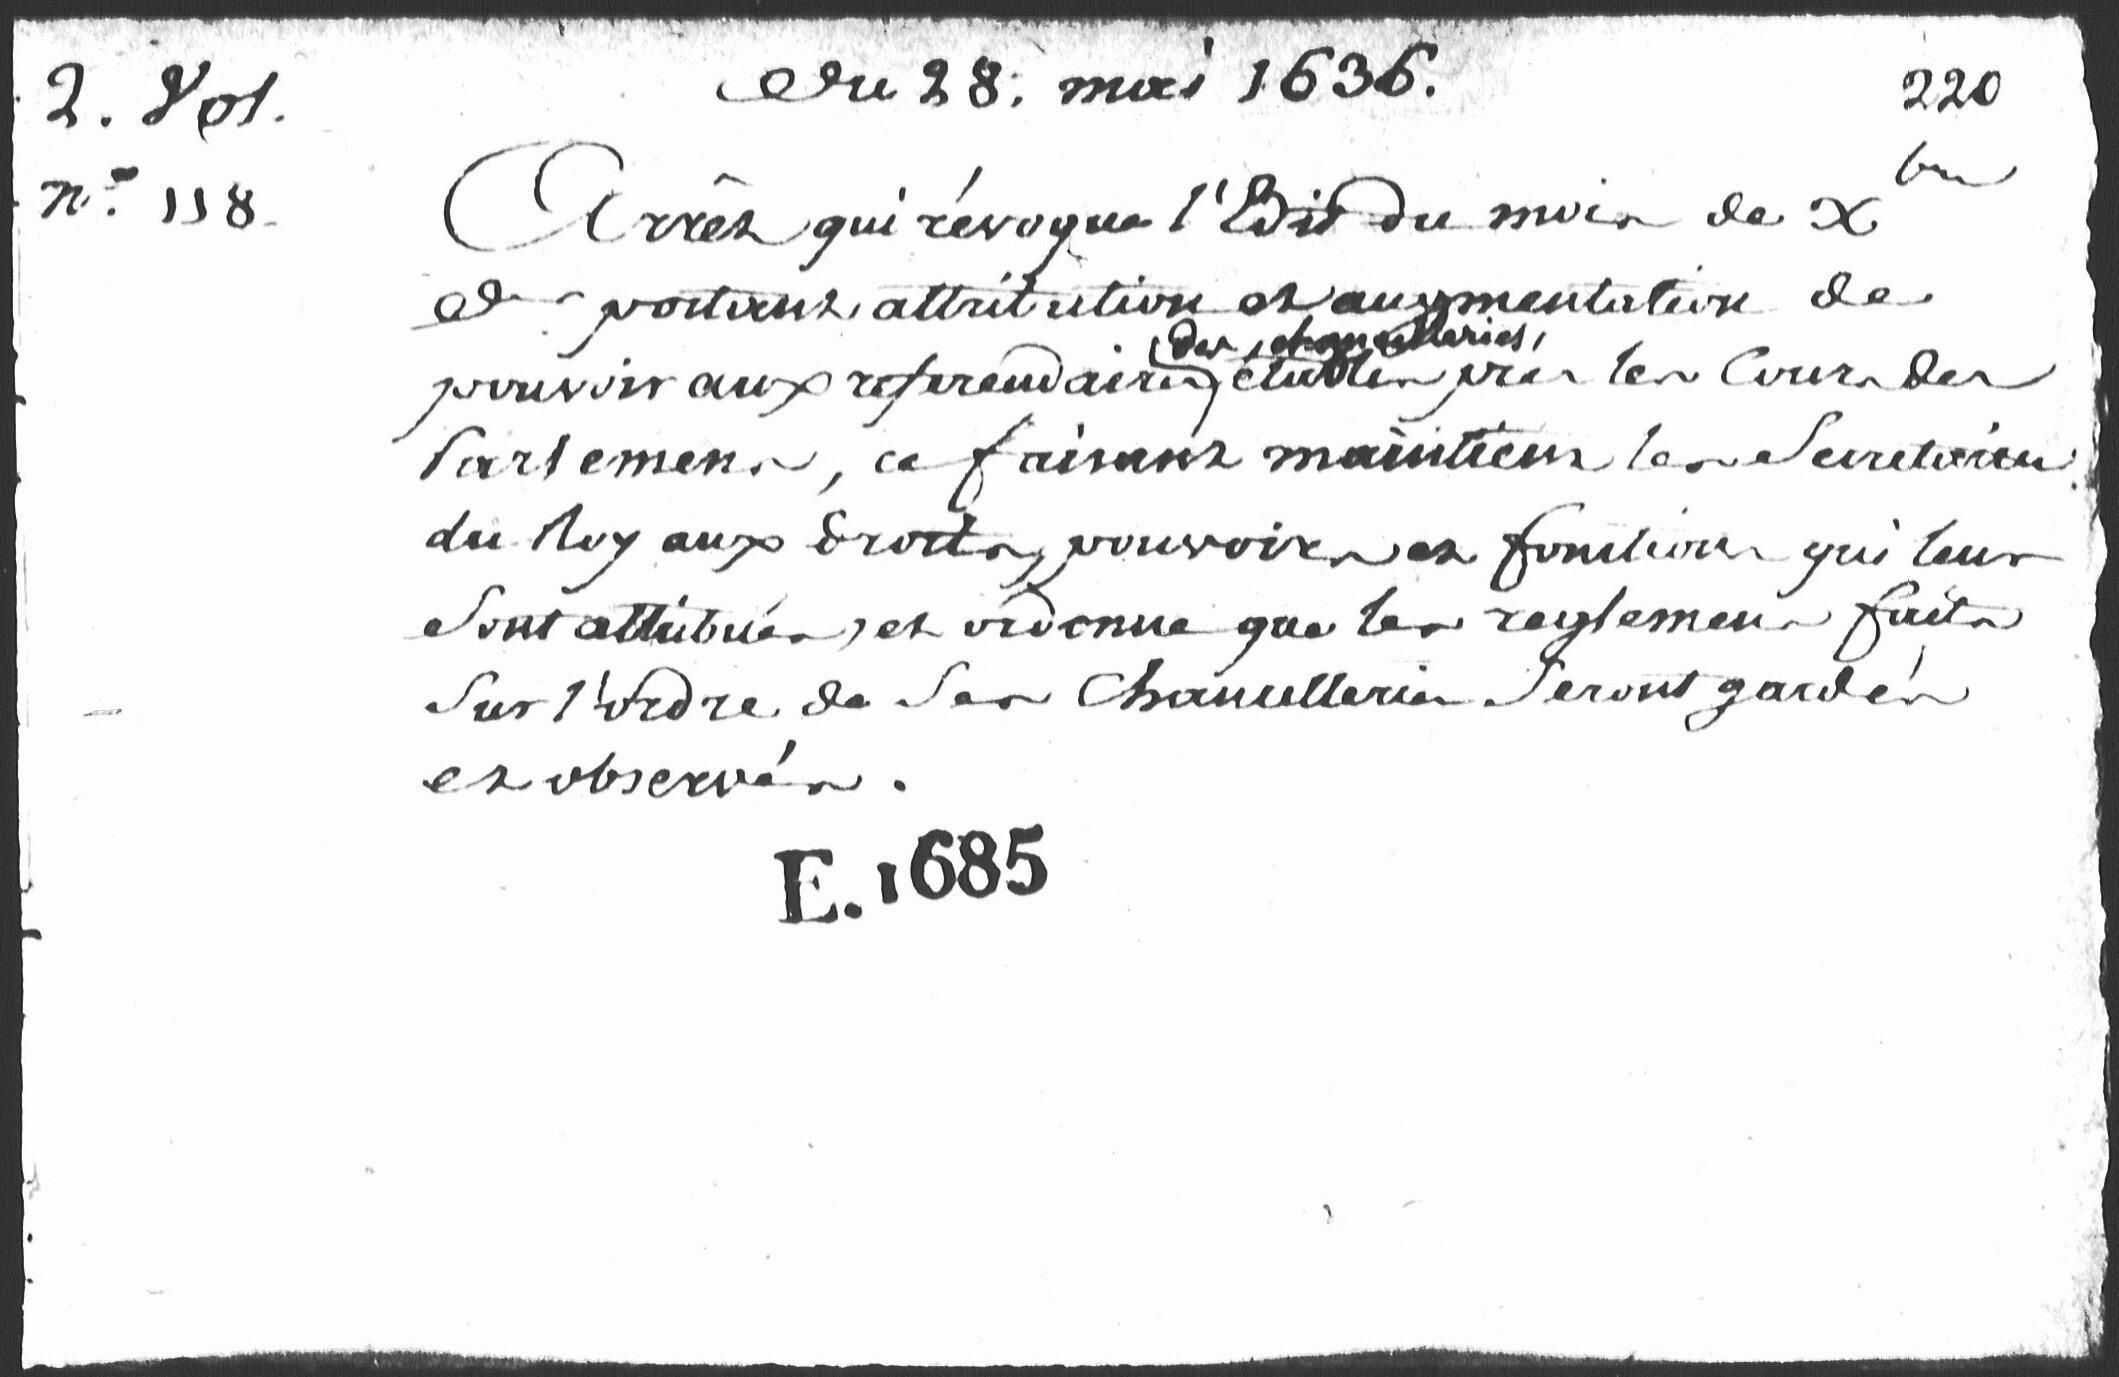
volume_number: n°118
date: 28 mai 1636
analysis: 220
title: arrêt qui révoque l'Edit du mois de Xbre d.er portant attribution et augmentation de pouvoir aux referendaires des chancelleries établies près les Cours des Parlemens, ce faisant maintient les secretaires du Roy aux droits, pouvoirs et fonctions qui leur sont attribués et ordonne que les reglemens faits sur l'ordre de ses chancelleries seront gardés et observés.
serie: E
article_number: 1685
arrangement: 2. vol.
